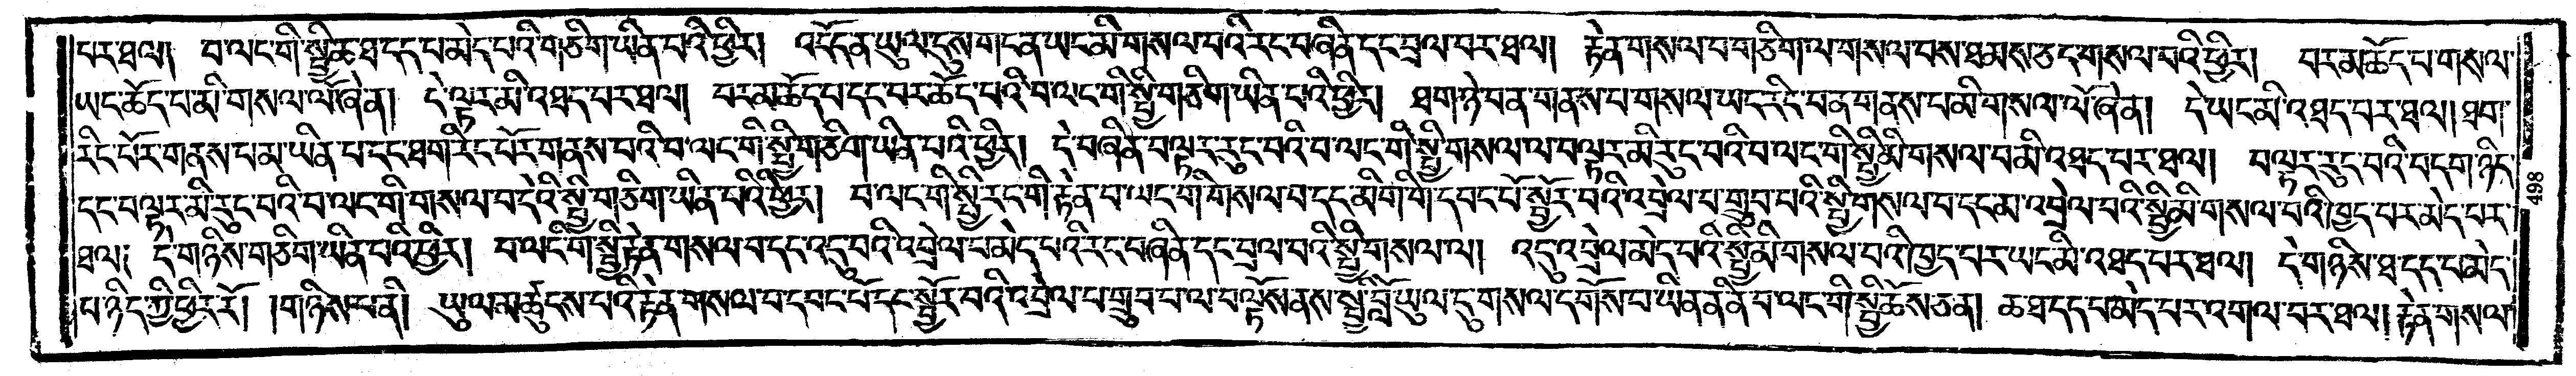པར་ཐལ། བ་ལང་གི་སྤྱི་ཆ་ཐ་དད་པ་མེད་པའི་གཅིག་ཡིན་པའི་ཕྱིར། འདོད་ན་ཡུལ་དུས་གང་ན་ཡང་མི་གསལ་བའི་རང་བཞིན་དང་བྲལ་བར་ཐལ། རྟེན་གསལ་བ་གཅིག་ལ་གསལ་བས་ཐམས་ཅད་གསལ་བའི་ཕྱིར། བར་མཆོད་པ་གསལ་
ཡང་ཆོད་པ་མི་གསལ་ལོ་ཞེ་ན། དེ་ལྟར་མི་འཐད་པར་ཐལ། བར་མཆོད་པ་དང་བར་ཆོད་པའི་བ་ལང་གི་སྤྱི་གཅིག་ཡིན་པའི་ཕྱིར། ཐག་ཉེ་བ་ན་གནས་པ་གསལ་ཡང་རིང་བ་ན་གནས་པ་མི་གསལ་ལོ་ཞེ་ན། དེ་ཡང་མི་འཐད་པར་ཐལ། ཐག་
རིང་པོར་གནས་པ་མ་ཡིན་པ་དང་ཐག་རིང་པོར་གནས་པའི་བ་ལང་གི་སྤྱི་གཅིག་ཡིན་པའི་ཕྱིར། དེ་བཞིན་བལྟར་རུང་བའི་བ་ལང་གི་སྤྱི་གསལ་ལ་བལྟར་མི་རུང་བའི་བ་ལང་གི་སྤྱི་མི་གསལ་བ་མི་འཐད་པར་ཐལ། བལྟར་རུང་བའི་བདག་ཉིད་
དང་བལྟར་མི་རུང་བའི་བ་ལང་གི་གསལ་བ་དེའི་སྤྱི་གཅིག་ཡིན་པའི་ཕྱིར། བ་ལང་གི་སྤྱི་རང་གི་རྟེན་པ་ལ་གི་གསལ་བ་དང་མིག་གི་དབང་པོ་སྦྱོར་བའི་འབྲེལ་པ་གྲུབ་པའི་སྤྱི་གསལ་བ་དང་མ་འབྲེལ་བའི་སྤྱི་མི་གསལ་བའི་ཁྱད་པར་མེད་པར་
ཐལ༑ དེ་གཉིས་གཅིག་ཡིན་པའི་ཕྱིར། བ་ལང་གི་སྤྱི་རྟེན་གསལ་བ་དང་འདུ་བའི་འབྲེལ་པ་མེད་པའི་རང་བཞིན་དང་བྲལ་བའི་སྤྱི་གསལ་ལ། འདུ་འབྲེལ་མེད་པའི་སྤྱི་མི་གསལ་བའི་ཁྱད་པར་ཡང་མི་འཐད་པར་ཐལ། དེ་གཉིས་ཐ་དད་པ་མེད་
པ་ཉིད་ཀྱི་ཕྱིར་རོ། །གཉིས་པ་ནི། ཡུལ་མཚུངས་པའི་རྟེན་གསལ་བ་དབང་པོ་དང་སྦྱོར་བའི་འབྲེལ་པ་གྲུབ་པ་ལ་བལྟོས་ནས་སྤྱི་བློ་ཡུལ་དུ་གསལ་དགོས་པ་ཡིན་ནི་ན་བ་ལང་གི་སྤྱི་ཆོས་ཅན། ཆ་ཐ་དད་པ་མེད་པར་འགལ་བར་ཐལ། རྟེན་གསལ་